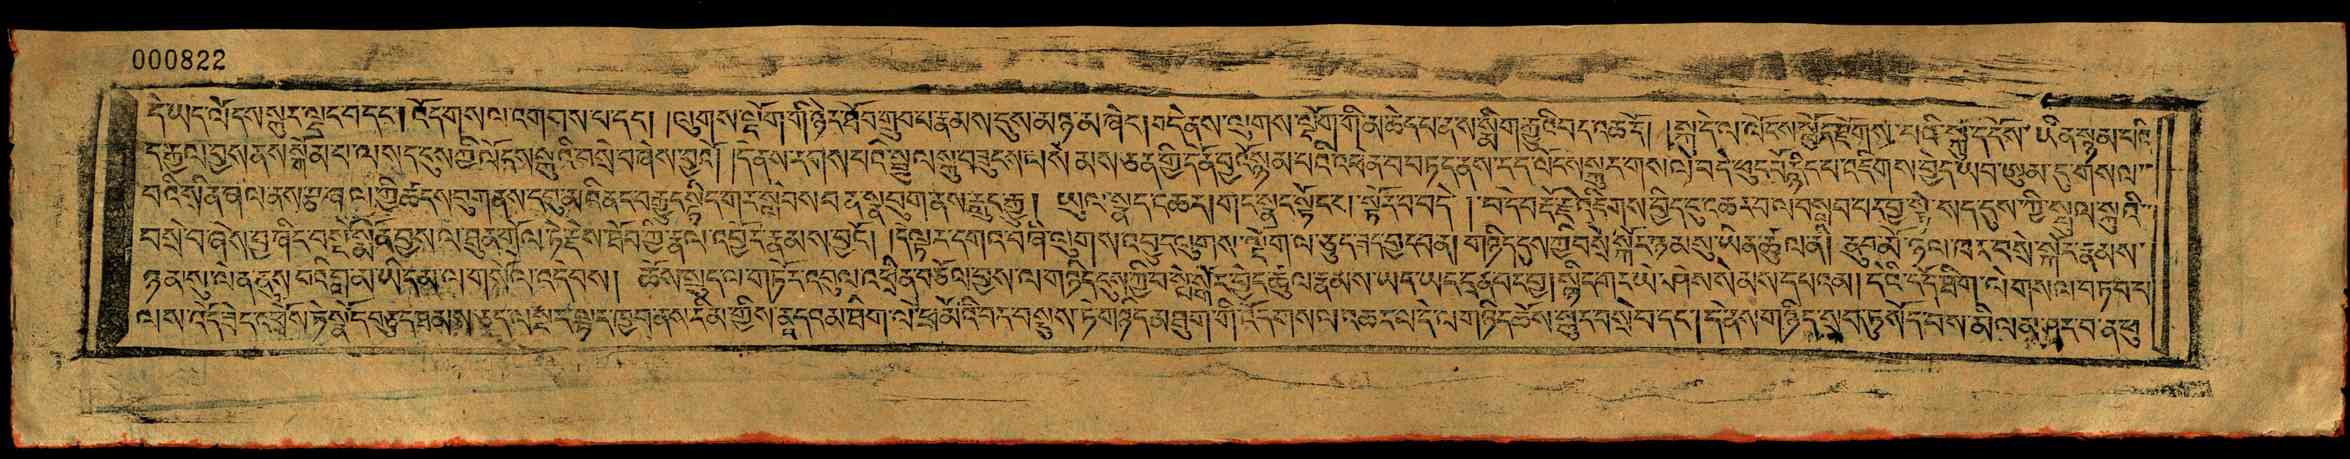དེ་ཡང་ལོངས་སྐུར་ལྡང་པ་དང་། འོད་གསལ་འགགས་པ་དང་། ལུགས་ལྡོག་གི་ཉེར་ཐོབ་གྲུབ་པ་རྣམས་དུས་མཉམ་ཞིང་། དེ་ནས་ལུགས་ལྡོག་གི་མཆེད་པ་ནས་སྨིག་རྒྱུའི་བར་འཆར་རོ། །སྐུ་དེ་ལ་ལོངས་སྤྱོད་རྫོགས་པའི་སྐུ་དངོས་ཡིན་སྙམ་པའི་
ང་རྒྱལ་བྱས་ནས་སྒོམ་པ་ལ་སད་དུས་ཀྱི་ལོངས་སྐུའི་བསྲེ་བ་ཞེས་བྱའོ། །དེ་ནས་རགས་པའི་སྤྲུལ་སྐུ་བཟུངས་ལ་སེམས་ཅན་གྱི་དོན་བྱའོ་སྙམ་པའི་འཕེན་པ་བཏང་ནས་རང་ལོངས་སྐུར་གསལ་བ་དེ་ཕུང་པོ་རྙིང་པ་འཇིགས་བྱེད་ཡབ་ཡུམ་དུ་གསལ་
བའི་སྲིན་ཞལ་ནས་རྩ་ཞལ་གྱི་ཚངས་བུག་ནས་དབུ་མའི་ནང་བརྒྱུད་སྙིང་གར་སླེབས་པ་ན་སྣ་བུག་ནས་རླུང་རྒྱུ། ཡུལ་སྣང་འཆར། གང་སྣང་སྟོང་པ། སྟོང་པ་བདེ་བ། བདེ་བ་རྡོ་རྗེ་འཇིགས་བྱེད་དུ་འཆར་བ་ལ་བསླབ་པར་བྱ་སྟེ་སད་དུས་ཀྱི་སྤྲུལ་སྐུའི་
བསྲེ་བ་ཞེས་བྱ་ཞིང་བསྔོ་སྨོན་བྱས་ལ་ཐུན་གྲོལ་ཏེ་རྗེས་ཐོབ་ཀྱི་རྣལ་འབྱོར་རྣམས་བྱའོ། །དེ་ལྟར་དགའ་བཞི་ལུགས་འབྱུང་ལུགས་ལྡོག་ལ་ཅུང་ཟད་བྱུང་བ་ན། གཉིད་དུས་ཀྱི་བསྲེ་སྐོར་ཉམས་སུ་ལེན་ཚུལ་ནི། ནུབ་མོ་ཉལ་ཁར་བསྲེ་སྐོར་རྣམས་
ཉམས་ལེན་ནུས་པའི་བླ་མ་ཡི་དམ་ལ་གསོལ་འདེབས། ཆོས་སྲུང་ལ་གཏོར་འབུལ་འཕྲིན་བཅོལ་བྱས་ལ་གཉིད་དུས་ཀྱི་བསྲེ་སྐོར་བྱེད་ཚུལ་རྣམས་ཡང་ཡང་དྲན་པར་བྱ། སྙིང་གར་ཡེ་ཤེས་སེམས་དཔའ་མ། དེའི་དོད་ཐིག་ལེ་གསལ་བཏབ་པ་
ལས་འོད་ཟེར་འཕྲོས་ཏེ་སྣོད་བཅུད་ཐམས་ཅད་ལ་སྔར་ལྟར་ཁྱབ་ནས་རིམ་གྱིས་ནཱ་དའམ་ཐིག་ལེ་ཕྲ་མོའི་བར་བསྡུས་ཏེ་གཉིད་མཐུག་གི་འོད་གསལ་འཆར་ལ་དེ་ལ་གཉིད་ཆོས་སྐུར་བསྲེ་བ་དང་། དེ་ནས་གཉིད་སྲབ་ཏུ་སོང་བས་རྨི་ལམ་ཤར་བ་ན་ཕུང་